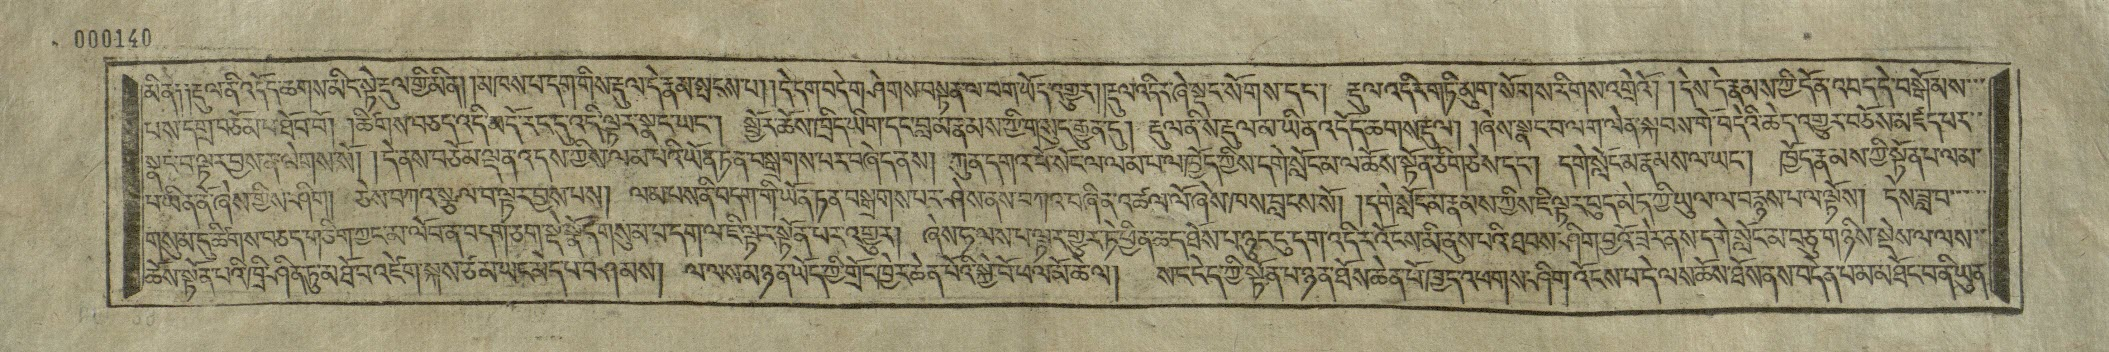མིན༑ ༑རྡུལ་ནི་འདོད་ཆགས་མིང་སྟེ་རྡུལ་གྱི་མིན། །མཁས་པ་དག་གིས་རྡུལ་དེ་རྣམ་སྤངས་པ། །དེ་དག་བདེ་གཤེགས་བསྟན་ལ་བག་ཡོད་འགྱུར། །རྡུལ་འདིར་ཞེ་སྡང་སོགས་དང་། རྡུལ་འདིར་གཏི་མུག་སོགས་རིགས་འགྲེའོ། །དེས་དེ་རྣམས་ཀྱི་དོན་འབད་དེ་བསྒོམས་
པས་དགྲ་བཅོམ་པ་ཐོབ་བོ། །ཚིགས་བཅད་འདི་མདོ་རང་དུ་འདི་ལྟར་སྣང་ཡང་། སྦྱོར་ཆོས་ཁྲིད་ཡིག་དང་བླ་མ་རྣམས་ཀྱི་གསུང་རྒྱུན་དུ། རྡུལ་ནི་ས་རྡུལ་མ་ཡིན་འདོད་ཆགས་རྡུལ། །ཞེས་སྣང་བ་ལག་ལེན་སྐབས་གོ་བདེའི་ཆེད་འགྱུར་བཅོས་མཛད་པར་
སྣང་བ་ལྟར་བྱས་ན་ལེགས་སོ། །དེ་ནས་བཅོམ་ལྡན་འདས་ཀྱིས་ལམ་པའི་ཡོན་ཏན་བསྒྲགས་པར་བཞེད་ནས། ཀུན་དགའ་པོ་སོང་ལ་ལམ་པ་ལ་ཁྱོད་ཀྱིས་དགེ་སློང་མ་ལ་ཆོས་སྟོན་ཅིག་ཅེས་དང་། དགེ་སློང་མ་རྣམས་ལ་ཡང་། ཁྱོད་རྣམས་ཀྱི་སྟོན་པ་ལམ་
པ་ཡིན་ནོ་ཞེས་གྱིས་ཤིག །ཅེས་བཀའ་སྩལ་བ་ལྟར་བྱས་པས། ལམ་པས་ནི་བདག་གི་ཡོན་ཏན་བསྒྲགས་པར་ཤེས་ནས་བཀའ་བཞིན་འཚལ་ལོ་ཞེས་ཁས་བླངས་སོ། །དགེ་སློང་མ་རྣམས་ཀྱིས་ཇི་ལྟར་བུད་མེད་ཀྱི་ཡུལ་ལ་བརྙས་པ་ལ་ལྟོས། དེས་ཟླ་བ་
གསུམ་དུ་ཚིགས་བཅད་གཅིག་ཀྱང་མ་ལོབ་ན་བདག་ཅག་སྡེ་སྣོད་གསུམ་པ་དག་ལ་ཇི་ལྟར་སྟོན་པར་འགྱུར། ཞེས་ཧ་ལས་པ་ལྟར་གྱུར་ཏེ་ཕྱིན་ཆད་ཐོས་པ་ཉུང་ངུ་དག་འདིར་འོངས་མི་ནུས་པའི་ཐབས་ཤིག་བྱའོ་ཟེར་ནས་དགེ་སློང་མ་བཅུ་གཉིས་སྡེས་ལ་ལས་
ཆོས་སྟོན་པའི་ཁྲི་ཤིན་ཏུ་མཐོ་བ་འཛེག་སྐས་ཙམ་ཡང་མེད་པ་བཤམས། ལ་ལས་མཉན་ཡོད་ཀྱི་གྲོང་ཁྱེར་ཆེན་པོའི་སྐྱེ་བོ་ཕལ་མོ་ཆེ་ལ། སང་ངེད་ཀྱི་སྟོན་པ་ཉན་ཐོས་ཆེན་པོ་ཁྱད་འཕགས་ཤིག་འོངས་པ་དེ་ལས་ཆོས་ཐོས་ནས་བདེན་པ་མ་མཐོང་བ་ནི་ཡུན་